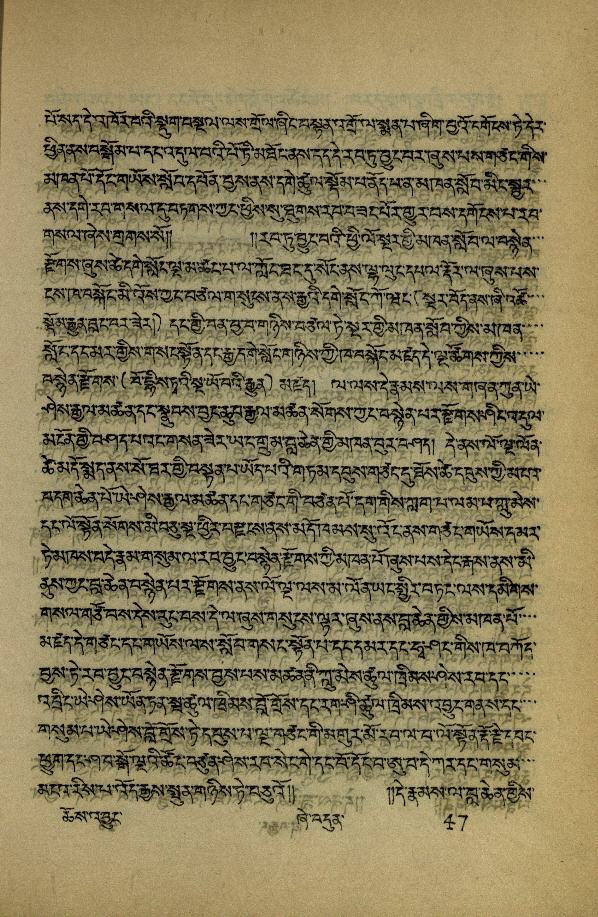པོ་སད་དེ་འཁོར་བའི་སྡུག་བསྔལ་ལས་གྲོལ་ཞིང་བསྟན་འགྲོ་ལ་སྨན་པ་ཞིག་བྱའོ་དགོངས་ཏེ་དེར་
ཕྱིན་ནས་བསྒོམ་པ་དང་འདུལ་བའི་པོ་ཏི་མཐོང་ནས་དད་དེ་རབ་ཏུ་བྱུང་བར་ཞུས་པས་གཙང་གིས་
མཁན་པོ་དོང་གཡོས་སློབ་དཔོན་བྱས་ནས་དགེ་ཚུལ་སྡོམ་པ་ནོད་པ་ན་མཁན་སློབ་མིང་སྦྱར་
ནས་དགེ་རབ་གསལ་དུ་བཏགས་ཀྱང་ཕྱིས་སུ་ཐུགས་རབ་བཟང་པོར་གྱུར་བས་དགོངས་པ་རབ་
གསལ་ཞེས་གྲགས་སོ།། །།རབ་ཏུ་བྱུང་བའི་ཕྱི་ལོ་སྔར་གྱི་མཁན་སློབ་ལ་བསྙེན་
རྫོགས་ཞུས་ཚེ་དགེ་སློང་ལྔ་མ་ཚང་པ་ལ་ཀློང་ཐང་དུ་སོང་ནས་ལྷ་ལུང་དཔལ་རྡོར་ལ་ཞུས་པས་
ངས་ཁ་བསྐོང་མི་འོས་ཀྱང་བཙལ་གསུངས་ནས་རྒྱའི་དགེ་སློང་ཀོ་ཝང་སྔར་བོད་ནས་ཞི་འཚོ་
སྡོམ་རྒྱུན་བླང་བར་ཟེར། དང་གྱི་བན་བྱ་བ་གཉིས་བཙལ་ཏེ་སྔར་གྱི་མཁན་སློབ་ཀྱིས་མཁན་
སློང་དང་མར་གྱིས་གསང་སྟོན་དང་རྒྱ་དགེ་སློང་གཉིས་ཀྱི་ཁ་བསྐོང་མཛད་དེ་ལྔ་ཚོགས་ཀྱིས་
བསྙེན་རྫོགས་བོ་དྷི་ས་ཏྭའི་སྔ་ཡོ་བའི་རྒྱུན་མཛད། ལ་ལས་དེ་རྣམས་ལས་གཞན་ཀུན་ཡེ་
ཤེས་རྒྱལ་མཚན་དང་སྣུབས་བྱང་ཆུབ་རྒྱལ་མཚན་སོགས་ཀྱང་བསྙེན་པར་རྫོགས་ཤིང་འདུལ་
མངོན་གྱི་བཤད་པའང་གསན་ཟེར་ཡང་གྲུམ་བླ་ཆེན་གྱི་མཁན་བུར་བཤད། དེ་ནས་ལོ་ལྔ་ལོན་
ཚེ་མདོ་སྨད་ནས་སོ་ཐར་གྱི་བསྟན་པ་ཡོད་པའི་གཏམ་དབུས་གཙང་དུ་ཐོས་ཚེ་དབུས་ཀྱི་མང་
བདག་ཆེན་པོ་ཡེ་ཤེས་རྒྱལ་མཚན་དང་གཙང་གི་བཙན་པོ་དག་གིས་ཀླག་པ་ལམ་པ་ཀླུ་མེས་
དང་ལོ་སྟོན་སོགས་མི་བཅུ་སྔ་ཕྱིར་བརྫངས་ནས་མདོ་ཁམས་སུ་འོང་ནས་གཙང་གཡོས་དམར་
ཏེ་མཁས་བདེ་རྣམ་གསུམ་ལ་རབ་བྱུང་བསྙེན་རྫོགས་ཀྱི་མཁན་པོ་ཞུས་པས་དེང་རྒས་ནས་མི་
ནུས་ཀྱང་བླ་ཆེན་བསྙེན་པར་རྫོགས་ནས་ལོ་ལྔ་ལས་མ་ལོན་ཡང་སྤྱིར་བཏང་ལས་དམིགས་
གསལ་གཙོ་བས་དེས་རུང་བས་དེ་ལ་ཞུས་གསུངས་ལྟར་ཞུས་ནས་བླ་ཆེན་གྱིས་མཁན་པོ་
མཛད་དེ་གཙང་དང་གཡོས་ལས་སློབ་གསང་སྟོན་པ་དང་དམར་དང་ཧྭ་ཤང་གིས་ཁ་བཀོད་
བྱས་ཏེ་རབ་བྱུང་བསྙེན་རྫོགས་བྱས་པས་མཚན་ནི་ཀླུ་མེས་ཚུལ་ཁྲིམས་ཤེས་རབ་དང་
འབྲིང་ཡེ་ཤེས་ཡོན་ཏན་སྦ་ཚུལ་ཁྲིམས་བློ་གྲོས་དང་རག་ཤི་ཚུལ་ཁྲིམས་འབྱུང་གནས་དང་
གསུམ་པ་ཡེ་ཤེས་བློ་གྲོས་ཏེ་དབུས་པ་ལྔ་གཙང་གི་མགུར་མོ་རབ་ལ་བ་ལོ་སྟོན་རྡོ་རྗེ་དབང་
ཕྱུག་དང་ཤ་བ་སྒོ་ལྔའི་ཚོང་བཙུན་ཤེས་རབ་སེང་གེ་དང་བོ་དོང་བ་ཨུ་བ་དེ་ཀར་དང་གསུམ་
མངའ་རིས་པ་འོད་རྒྱས་སྤུན་གཉིས་ཏེ་བཅུའོ།། །།དེ་རྣམས་ལ་བླ་ཆེན་གྱིས་